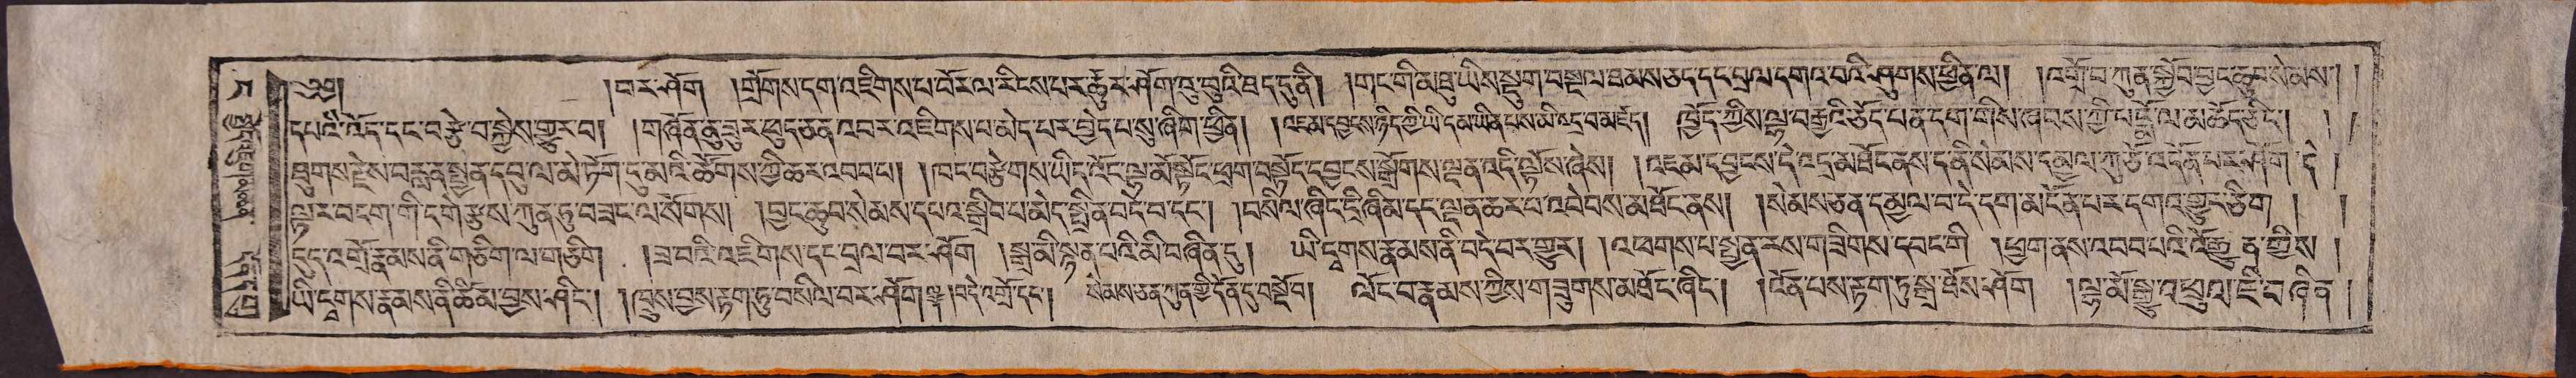༄༅། །བར་ཤོག །གྲོགས་དག་འཇིགས་པ་བོར་ལ་རིངས་པར་ཚུར་ཤོག་འུ་བུའི་ཐད་དུ་ནི། །གང་གི་མཐུ་ཡིས་སྡུག་བསྔལ་ཐམས་ཅད་དང་བྲལ་དགའ་བའི་ཤུགས་ཕྱིན་ལ། །འགྲོ་བ་ཀུན་སྐྱོབ་བྱང་ཆུབ་སེམས་
དཔའ་འོད་དང་བརྩེ་བ་སྐྱེས་གྱུར་བ། །གཞོན་ནུ་ཟུར་ཕུད་ཅན་འབར་འཇིགས་པ་མེད་པར་བྱེད་པ་སུ་ཞིག་ཕྱིན། །འཇམ་དབྱངས་ཉིད་ཀྱི་ཡི་དམ་ཡིན་པས་མི་འདྲ་བ་མཛད།  ཁྱོད་ཀྱིས་ལྷ་བརྒྱའི་ཅོད་པན་དག་གིས་ཞབས་ཀྱི་པདམོ་ལ་མཆོད་ཅིང་། །
ཐུགས་རྗེས་བརླན་སྤྱན་དབུ་ལ་མེ་ཏོག་དུ་མའི་ཚོགས་ཀྱི་ཆར་འབབ་པ། །ཁང་བརྩེགས་ཡིད་འོང་ལྷ་མོ་སྟོང་ཕྲག་བསྟོང་དབྱངས་སྒྲོགས་ལྡན་འདི་ལྟོས་ཞེས། །འཇམ་དབྱངས་དེ་འདྲ་མཐོང་ནས་ད་ནི་སེམས་དམྱལ་ཀུ་ཅོ་འདོན་པར་ཤོག །དེ་
ལྟར་བདག་གི་དགེ་རྩས་ཀུན་ཏུ་བཟང་ལ་སོགས། །བྱང་ཆུབ་སེམས་དཔའ་སྒྲིབ་བ་མེད་སྤྲིན་བདེ་བ་དང་། །བསིལ་ཞིང་དྲི་ཞིམ་དང་ལྡན་ཆར་བ་འབེབས་མཐོང་ནས། །སེམས་ཅན་དམྱལ་བ་དེ་དག་མངོན་པར་དགའ་གྱུར་ཅིག །
དུད་འགྲོ་རྣམས་ནི་གཅིག་ལ་གཅིག །ཟ་བའི་འཇིགས་དང་བྲལ་བར་ཤོག །སྒྲ་མི་སྙན་པའི་མི་བཞིན་དུ། །ཡི་དྭགས་རྣམས་ནི་བདེ་བར་གྱུར། །འཕགས་པ་སྤྱན་རས་གཟིགས་དབང་གི །ཕྱག་ནས་འབབ་པའི་རྒྱུན་གྱིས།།
ཡི་དྭགས་རྣམས་ནི་ཚིམ་བྱས་ཤིང་། །ཁྲུས་བྱས་རྟག་ཏུ་བསིལ་བར་ཤོག ༈ །བདེ་འགྲོ་དང་། སེམས་ཅན་ཀུན་གྱི་དོན་དུ་བསྔོ་བ།  ལོང་བ་རྣམས་ཀྱིས་གཟུགས་མཐོང་ཞིང་། །འོན་པས་རྟག་ཏུ་སྒྲ་ཐོས་ཤོག །ལྷ་མོ་སྒྱུ་འཕྲུལ་ཇི་བཞིན་